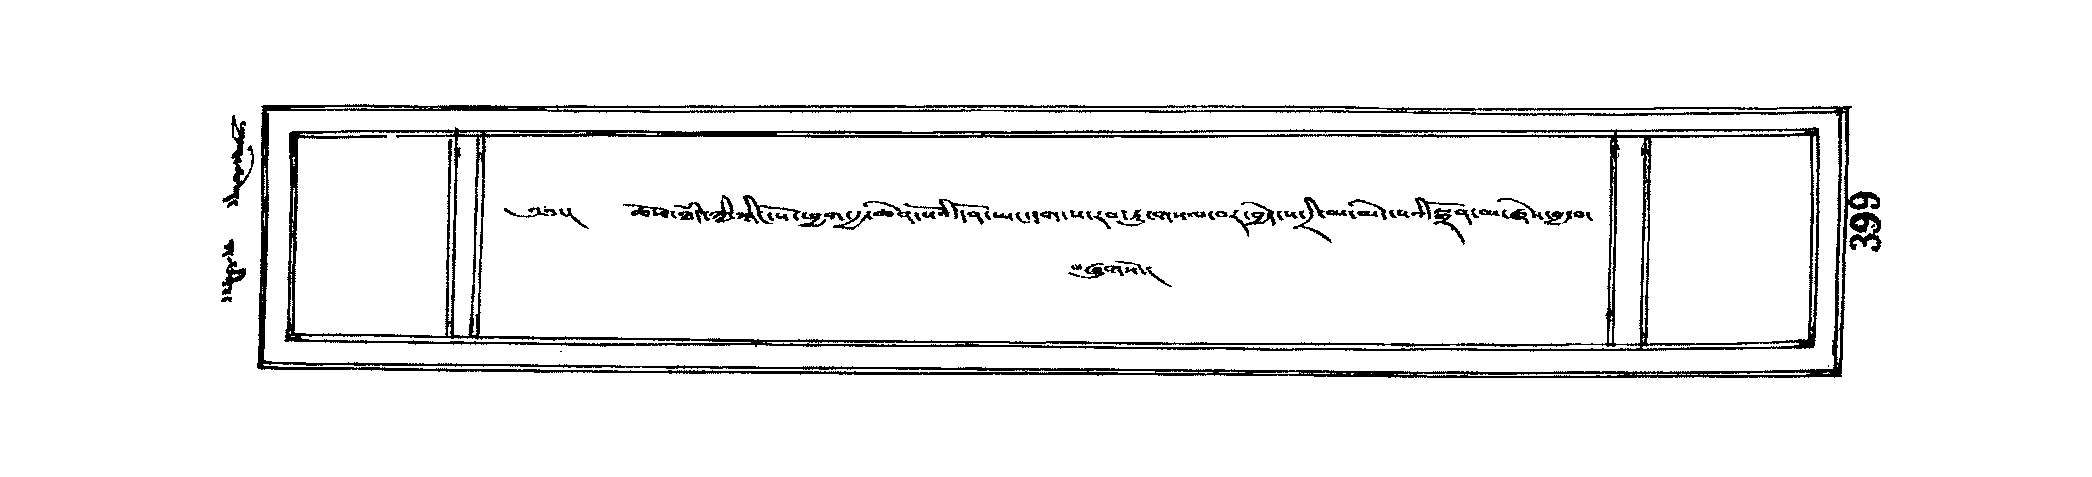༄༅། ཆོས་ཐམས་ཅད་ཀྱི་སྙིང་པོ་ཕྱག་རྒྱ་ཆེན་པོའི་དོན་ཡང་དག་པ་རབ་ཏུ་གསལ་བར་བྱེད་པ་དྲི་མ་མེད་པའི་སྒྲོན་མ་ཞེས་བྱ་བ་
བཞུགས་སོ།།